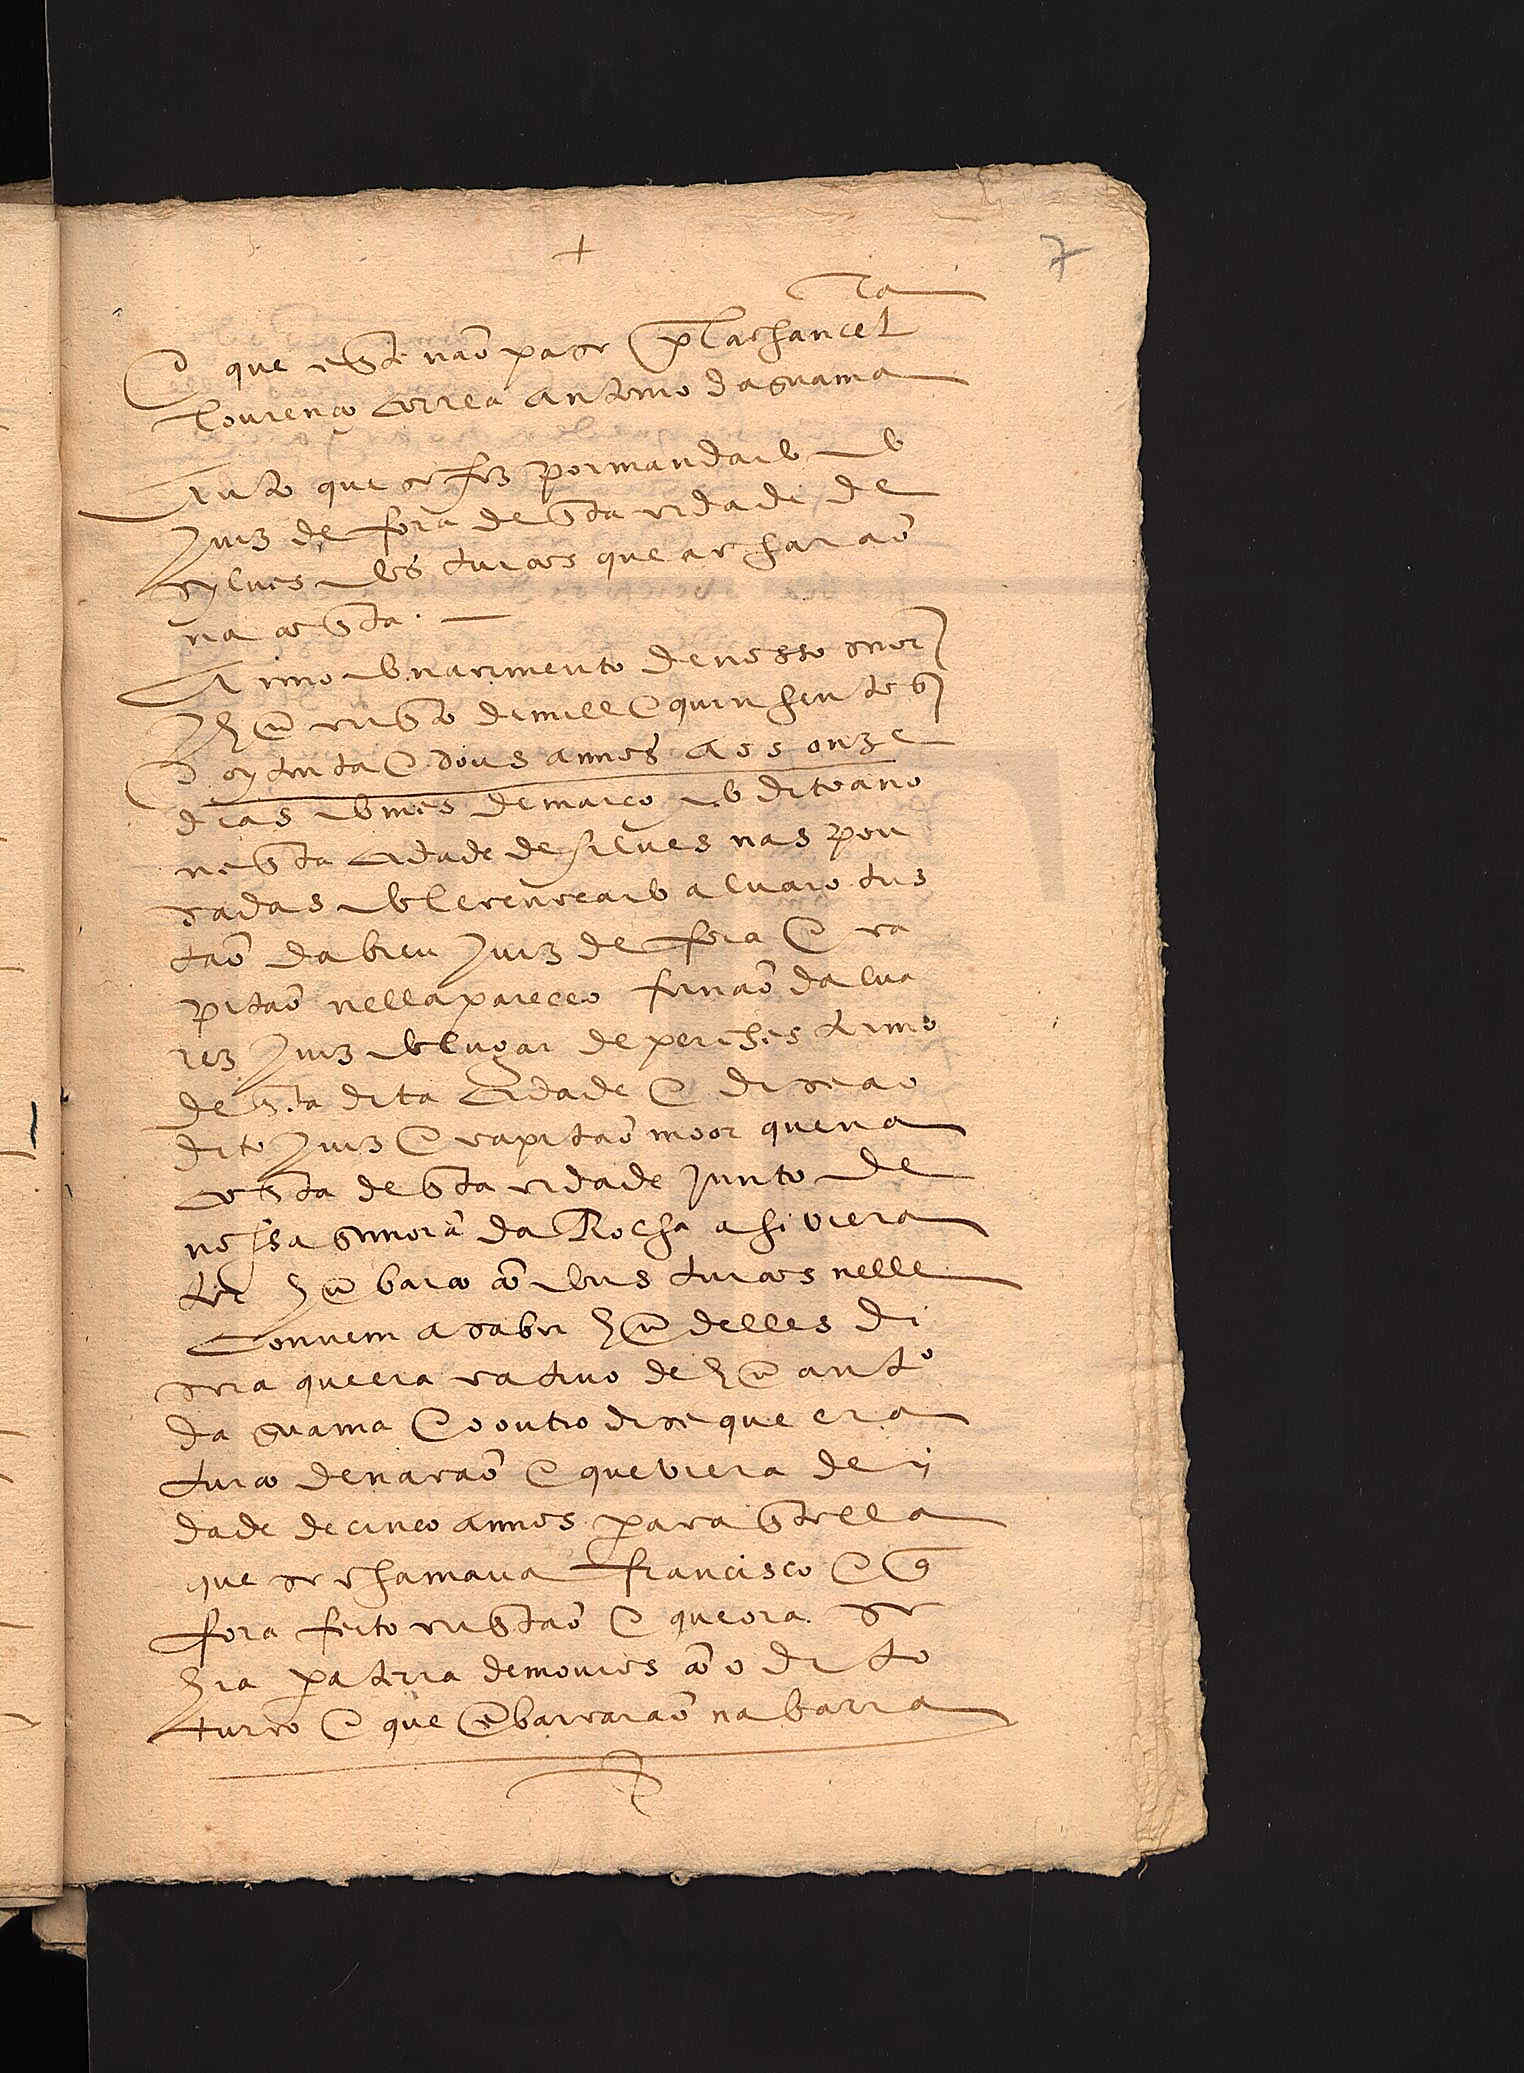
e que este naõ pase p̄la chanceLra
lourenço correa antonio da guama
Auto que se fez por mandado do
Juiz de fora desta cidade de
sylues dos turcos que acharaõ
na costa
Anno do nacimento de nosso senor̄
Jhū cristo de mill e quinhentos
e oytenta e dous annos aos onze
dias do mes de março do dito ano
nesta cidade de silues nas pou
sadas do lecenceado aluaro tris
taõ dabreu Juiz de fora e ca
pitaõ nella pareceo fernaõ dalua
rez Juiz do lugar de perches termo
desta dita cidade e dise ao
dito Juiz e capitaõ moor que na
costa desta cidade junto de
nossa snnorā da Rocha ahi viera
ter hū barco cō dous turcos nelle
Conuem a saber hū delles di
sera que era catiuo de hū anto
da guama e o outro dise que era
turco de naçaõ e que viera de y
dade de cinco annos ꝑa castella
que se chamaua francisco e q̄
fora feito cristaõ e que ora se
hia ꝑa terra de mouros cō o dito
turco e que ēbarcaraõ na barra
